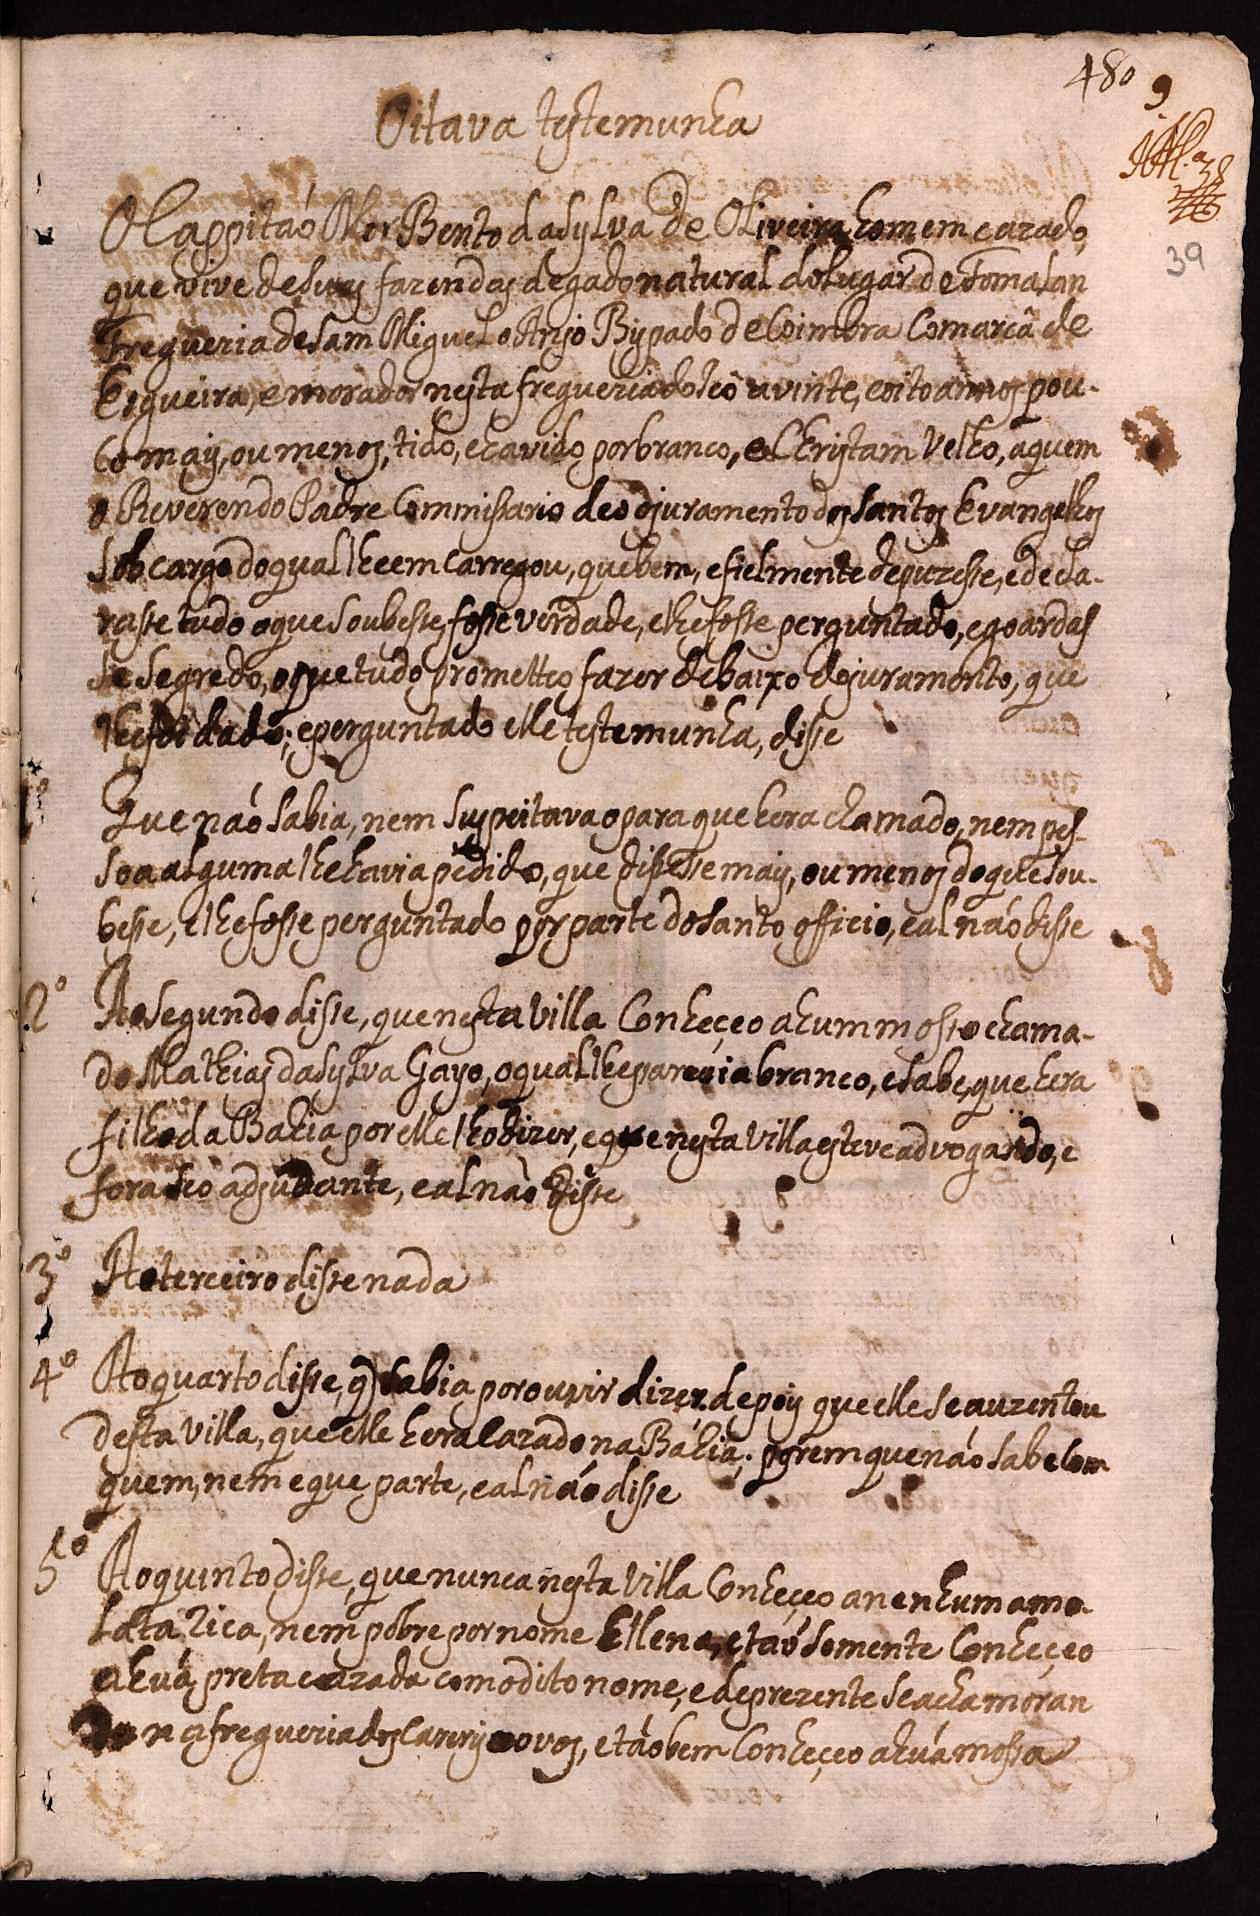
480
Oitava testemunha
O Cappitaõ Mor Bento da Sylva de Oliveira homem cazado,
que vive de suas fazendas de gado natural do Lugar de Tomalan
Freguezia de Sam Miguel o Anjo Bispado de Coimbra Comarca de
Esgueira, e morador nesta freguezia do Icô a vinte, e oito annos pou
co mais, ou menos, tido, e havido por branco, e Christam velho, a quem
o Reverendo Padre Commissario deo o juramento dos Santos Evangelhos
Sob cargo do qual lhe emcarregou, que bem, e fielmente depuzesse, e decla
rasse tudo o que Soubesse, fosse verdade, e lhe fosse perguntado, e goardas
se Segredo, o que tudo prometteo fazer debaixo do juramento, que
lhe foi dado; e perguntado elle testemunha, disse
Que naõ Sabia, nem Suspeitava o para que hera chamado, nem pes
soa alguma lhe havia pedido, que dissesse mais, ou menos do que sou
besse, e lhe fosse perguntado por parte do santo officio, e al naõ disse
2o
Ao Segundo disse, que nesta villa Conheceo a hum mosso chama
do Mathias da Sylva Gayo, o qual lhe parecia branco, e Sabe que hera
filho da Bahia por elle lho dizer, e que nesta villa esteve advogando, e
fora seo adjudante, e al naõ disse
3o
Ao terceiro disse nada
4o
Ao quarto disse, q̄ sabia por ouvir dizer depois que elle se auzentou
desta villa, que elle hera cazado na Bahia; porem que naõ sabe com
quem, nem e que parte, e al não disse.
5o
Ao quinto disse, que nunca nesta Villa conheceo a nenhuma mo
lata Rica, nem pobre por nome Ellena, e taõ somente conheceo
a huā preta cazada com o dito nome, e de prezente se acha moran
do na freguezia dos carery _ovos, e taõbem conheceo a huā mossa
